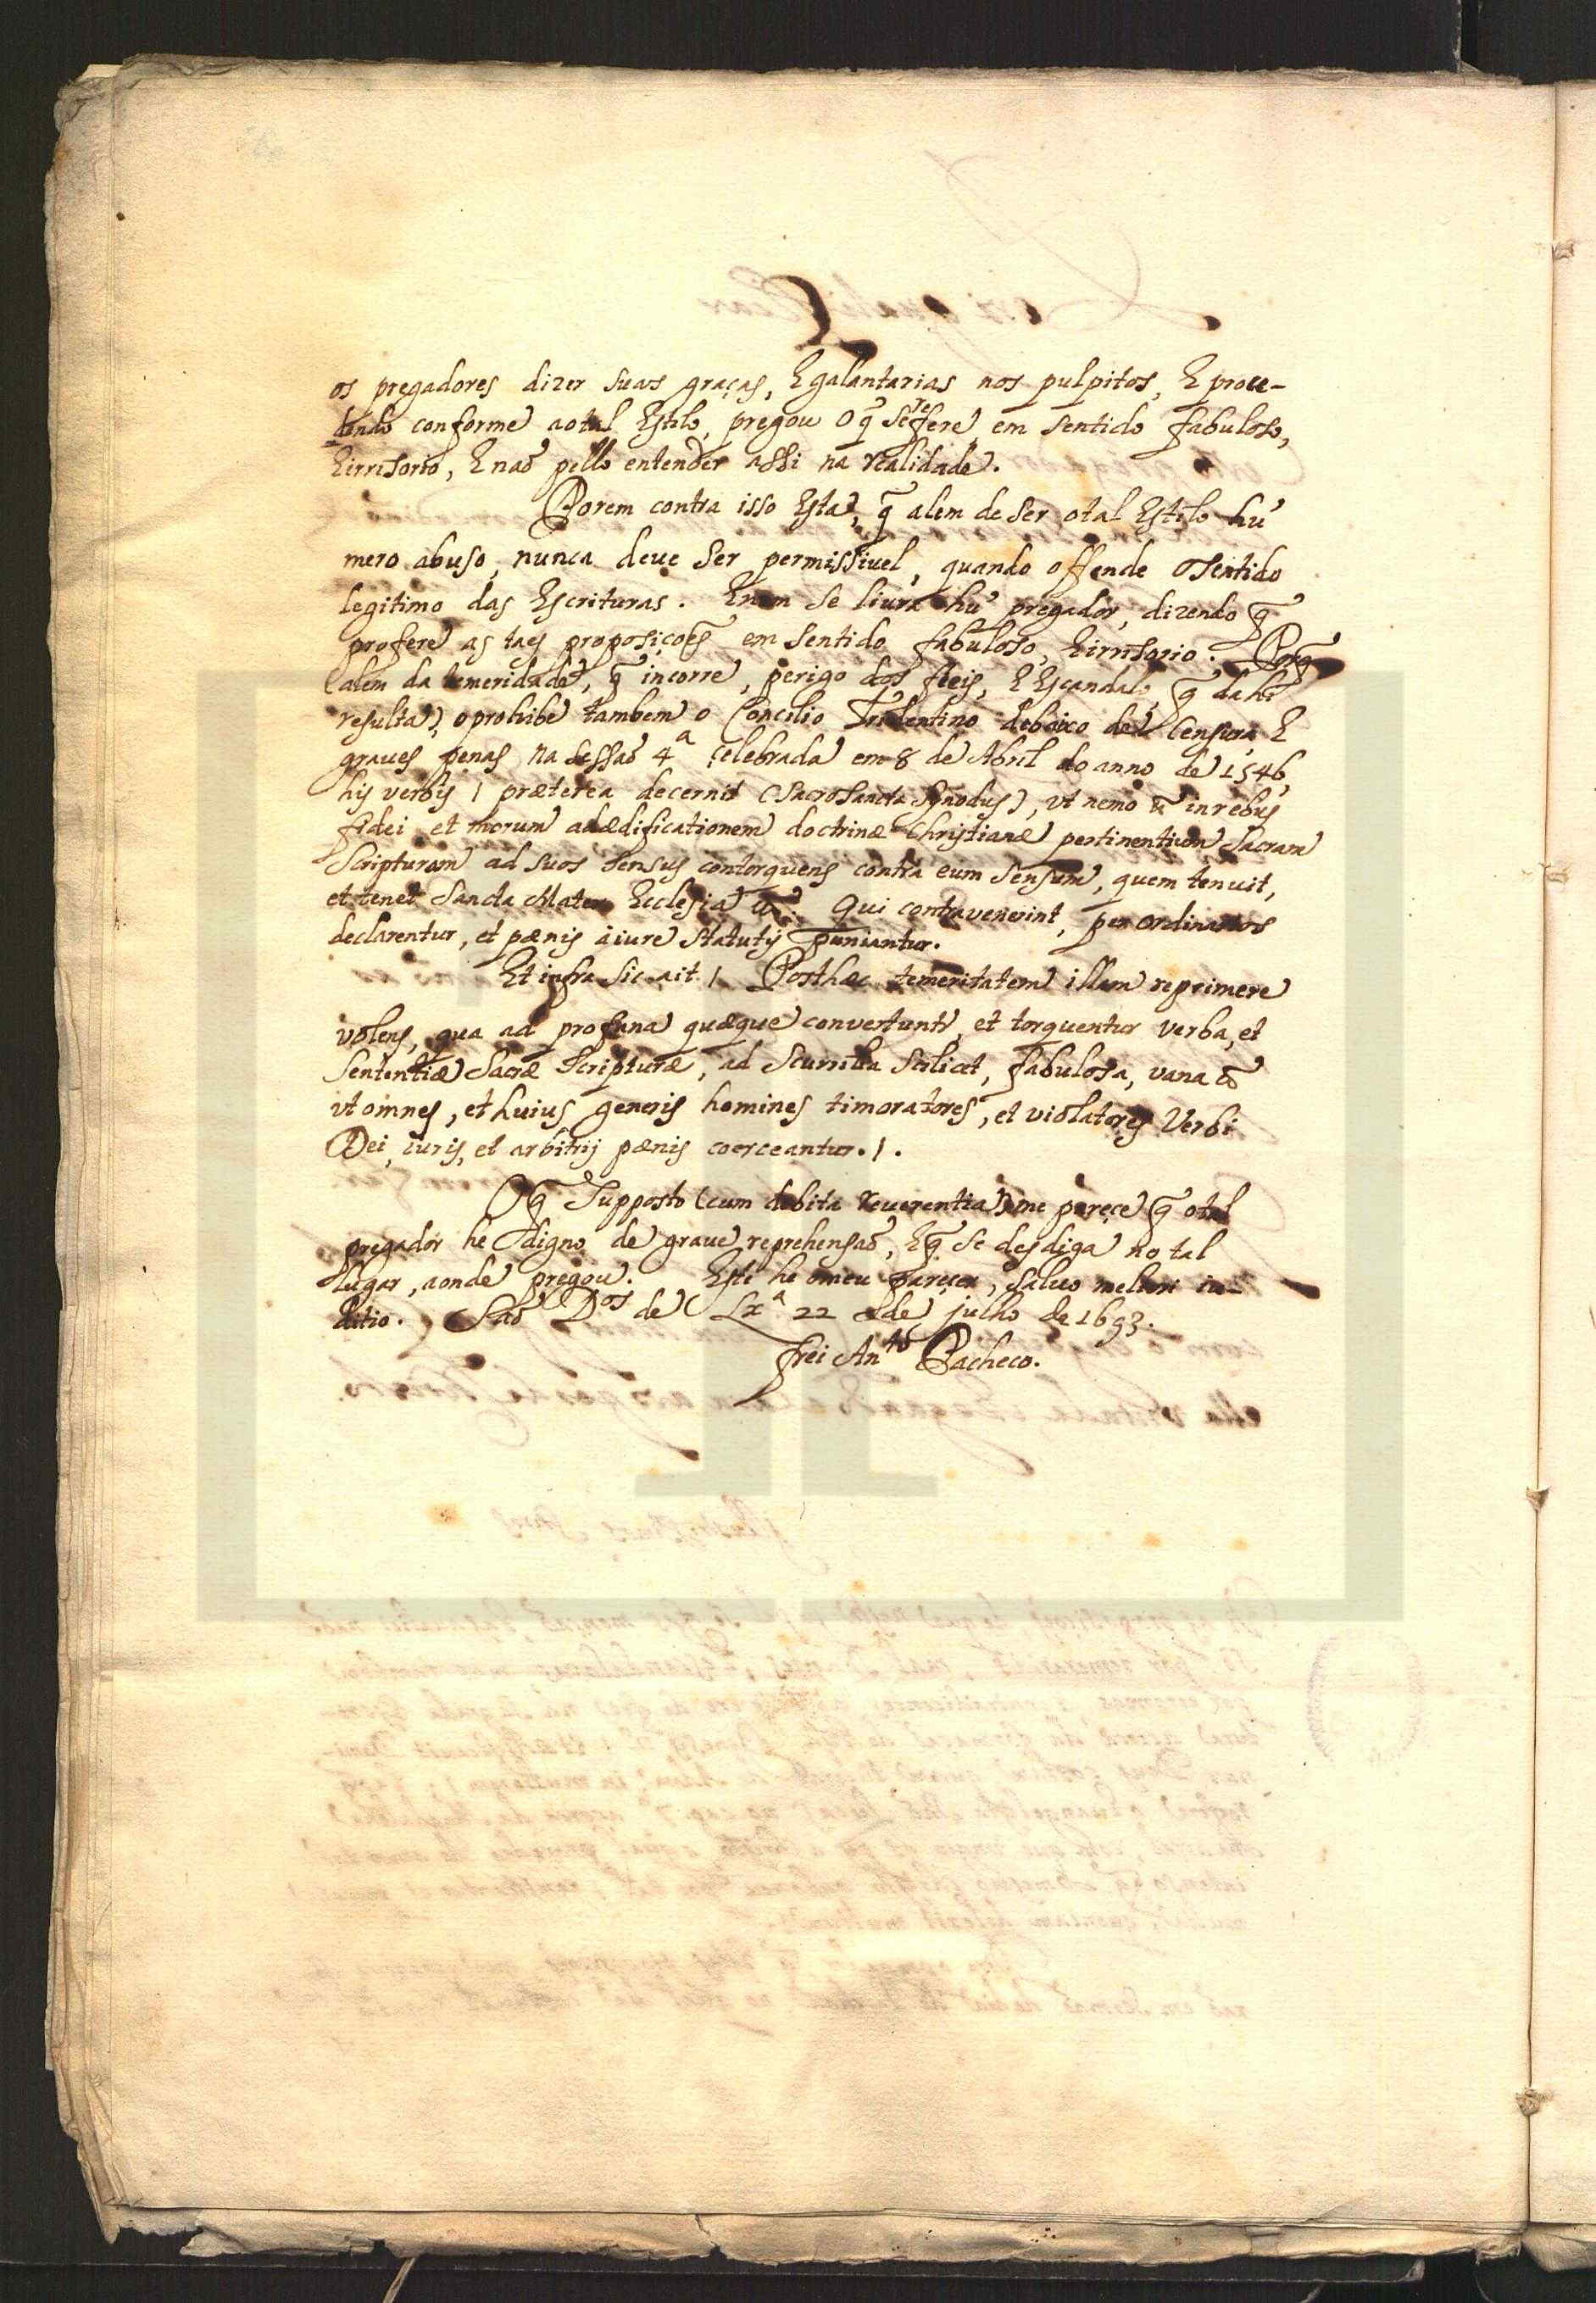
os pregadores dizer suas graças, E galantarias nos pulpitos, E proce
dendo conforme ao tal Estilo, pregou o q̄ se refere em sentido fabuloso,
E irrisorio, E naõ pello entender assi na realidade.
Porem contra isso Esta, q̄ alem de ser o tal Estilo hū
mero abuso, nunca deue ser permissiuel, quando offende o sentido
legitimo das Escrituras. E nem se liura hū pregador, dizendo q̄
profere as taes proposiçoẽs em sentido fabuloso, E irrisorio. Porq̄
alem da temeridade, q̄ incorre, perigo dos fieis, E Escandalo, q̄ dahi
resulta, o prohibe tambem o Concilio Tridentino debaixo de Censura, E
graues penas na sessaõ 4a celebrada em 8 de Abril do anno de 1546,
his verbis / præterea decernit (sacrosancta synodus), vi nemo ū in rebus
fidei et morum a dædificationem doctrinæ christianæ pertinentium Sacrarā
Scripturam ad suos sensus contorquens contra eum sensum, quem tenuit,
et tenet Santa Mater Ecclesia ū qui contravenerint, per ordinarios
declarentur, et pænis a iure statutis punientur.
Et infra sic ait / Posthæ temeritatem illam reprimere
volens, qua ad profana quæque convertuntē, et torquentur verba, et
sententiæ Sacræ Scripturæ, ad Scurrilia Scilicet, fabulosa, vana cō
vt omnes, et huius generis homines timoratores, et violatores verbi
Dei, iuris, e arbitrij pænis coerceantur. /.
O q̄ Supposto (cum debita reuerentia) me parece q̄ o tal
pregador he digno de graue reprehensaõ, E q̄ se desdiga no tal
lugar, aonde pregou. Este he o meu parecer, saluo melhor iu
ditio. Saõ Dos de Lxa 22 de julho de 1693.
frei Anto Pacheco.
